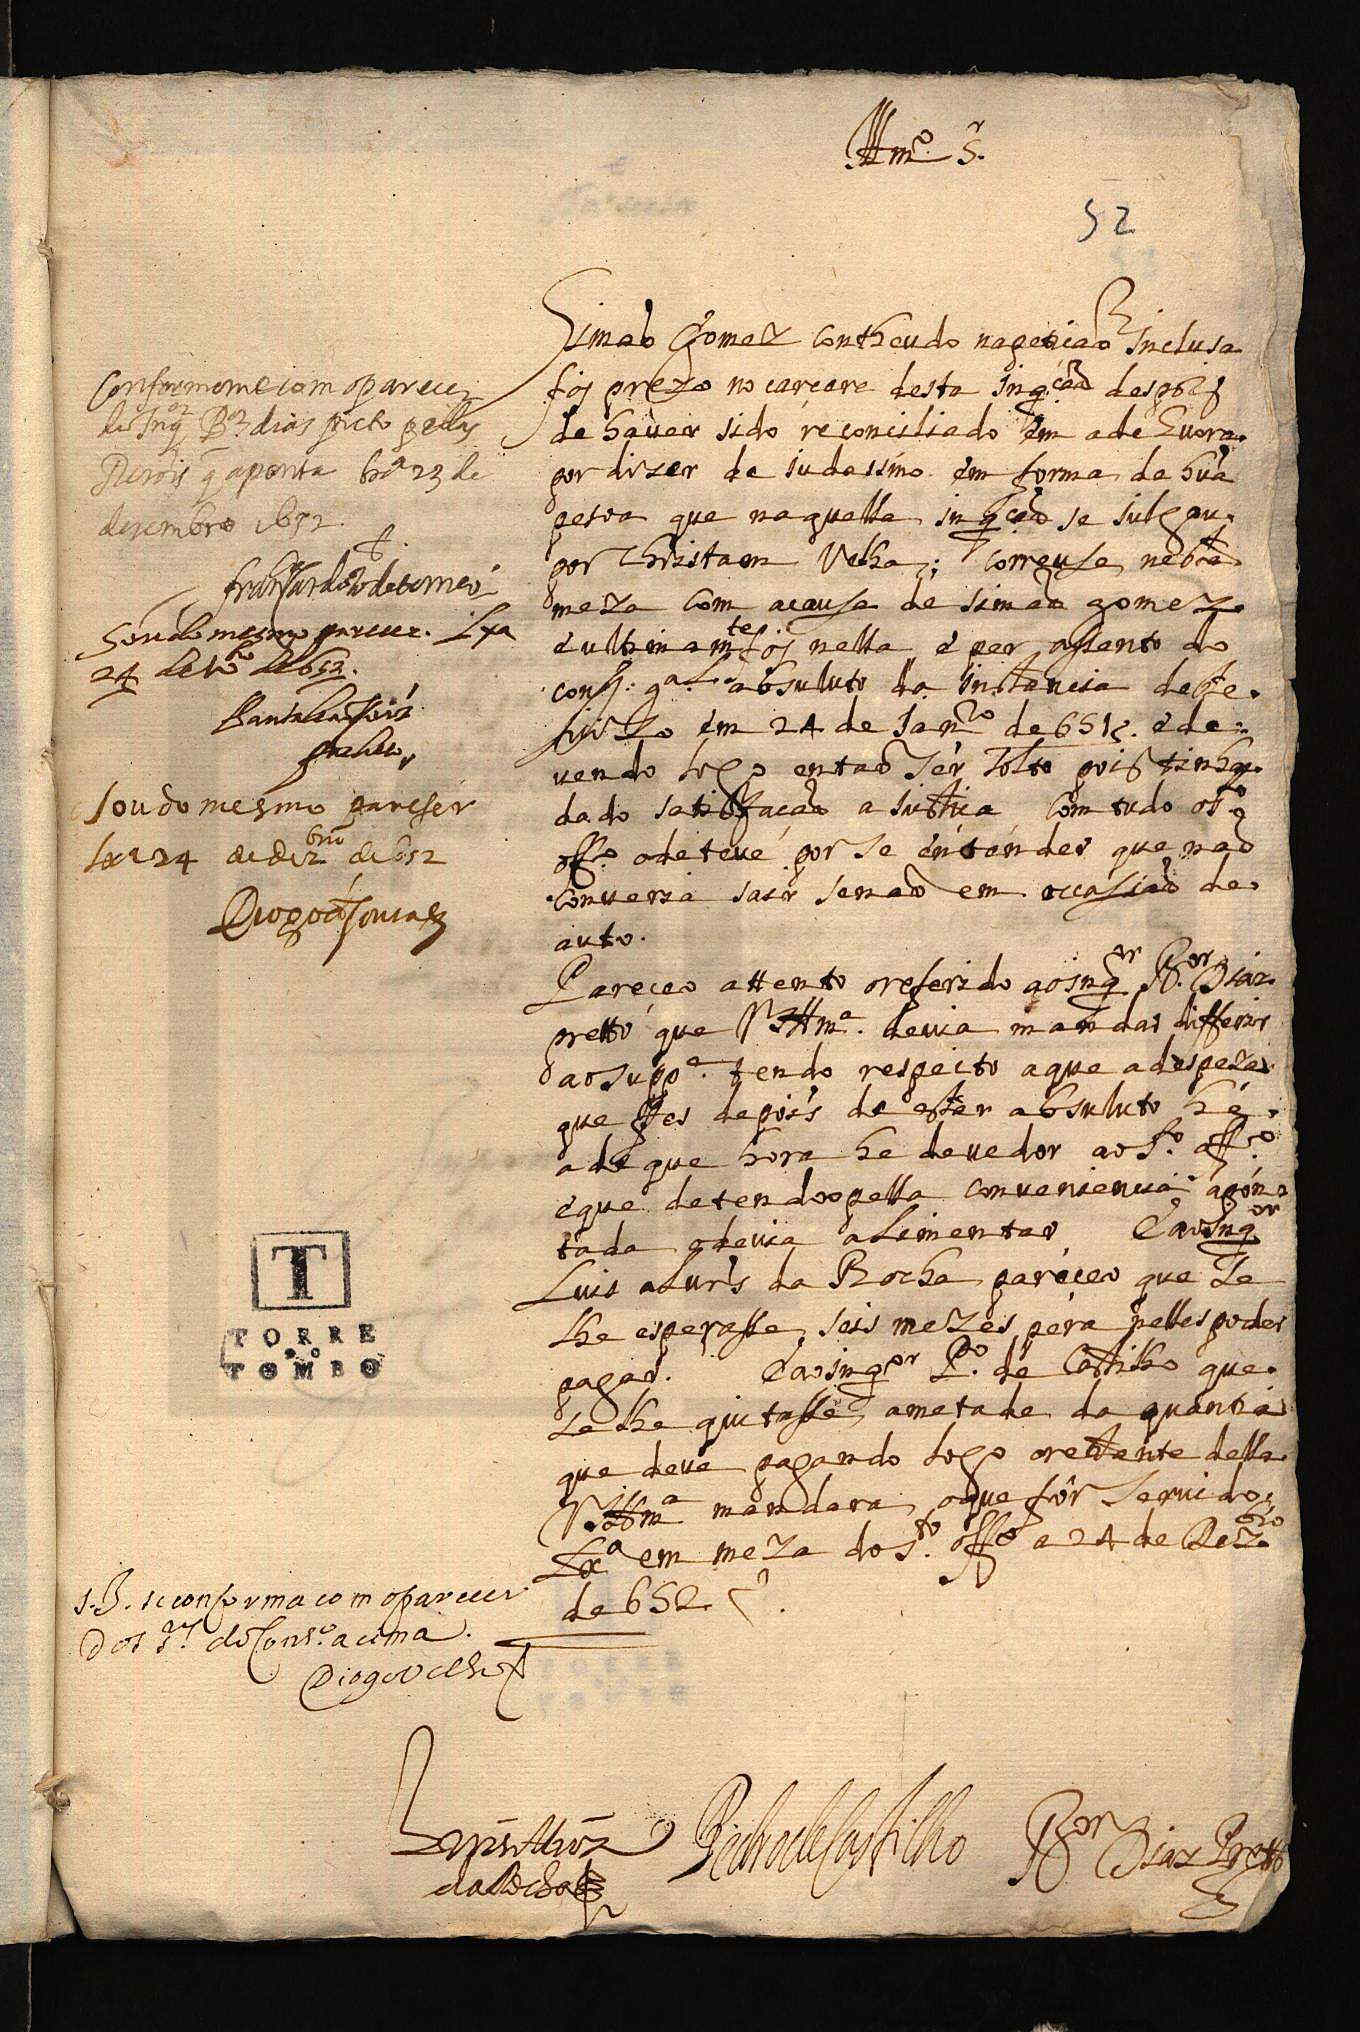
Conformome com o parecer
do Jnqor Bor. dias preto pellas
Rezoĩs q̄ aponta lxa 23 de
dezembro 1652.
Sou do mesmo parecer. Lxa
24 de 10bro de 652.
Sou do mesmo pareser
Lxa 24 de dezbro de 652
s. J. se conforma com o parecer.
dos sres. do Cons.o acima.
Illm.o S.r
Simaõ Gomez contheudo na petiçaõ Inclusa
foj prezo no carçere desta Inq.cão de despois
de hauer sido reconciliado em a de Euora
por dizer de Iudaismo em forma de huā
pesoa que naquella inq.caõ se Iulgou
por Christam Velha; correuse nesta
meza com a causa de simaõ gomez
e ultimamte foj nella e per assento do
cons.o gaL. absuluto da Instancia deste
juizo em 24 de Ianro de 651. e de
uendo logo entaõ ser solto pois tinha
dado satisfaçaõ a Iustiça comtudo o sto.
off.o o deteue por se entender que naõ
conueria sair senaõ em occasiaõ de
auto.
Pareçeo attento o referido ao inqor B.or Diaz
pretto que V Illma. deuia mandar differir
ao suppe. tendo respeito a que a despeza
que fes depois de estar absuluto he
a de que hora he deuedor ao s.to off.o
e que detendoo pella conueniencia apon
tada o deuia aLimentar E ao inq.or
Luis aLurs̄ da Rocha pareçeo que se
lhe esperasse seis mezes pera nelles poder
pagar. E ao inqor P.o de Castilho que
se lhe quitasse a metade da quantia
que deue pagando logo o restante della
V Illm.a mandara, o que fôr seruido.
Lx.a em meza do s.to off.o a 24 de Dezbro
de 652.
